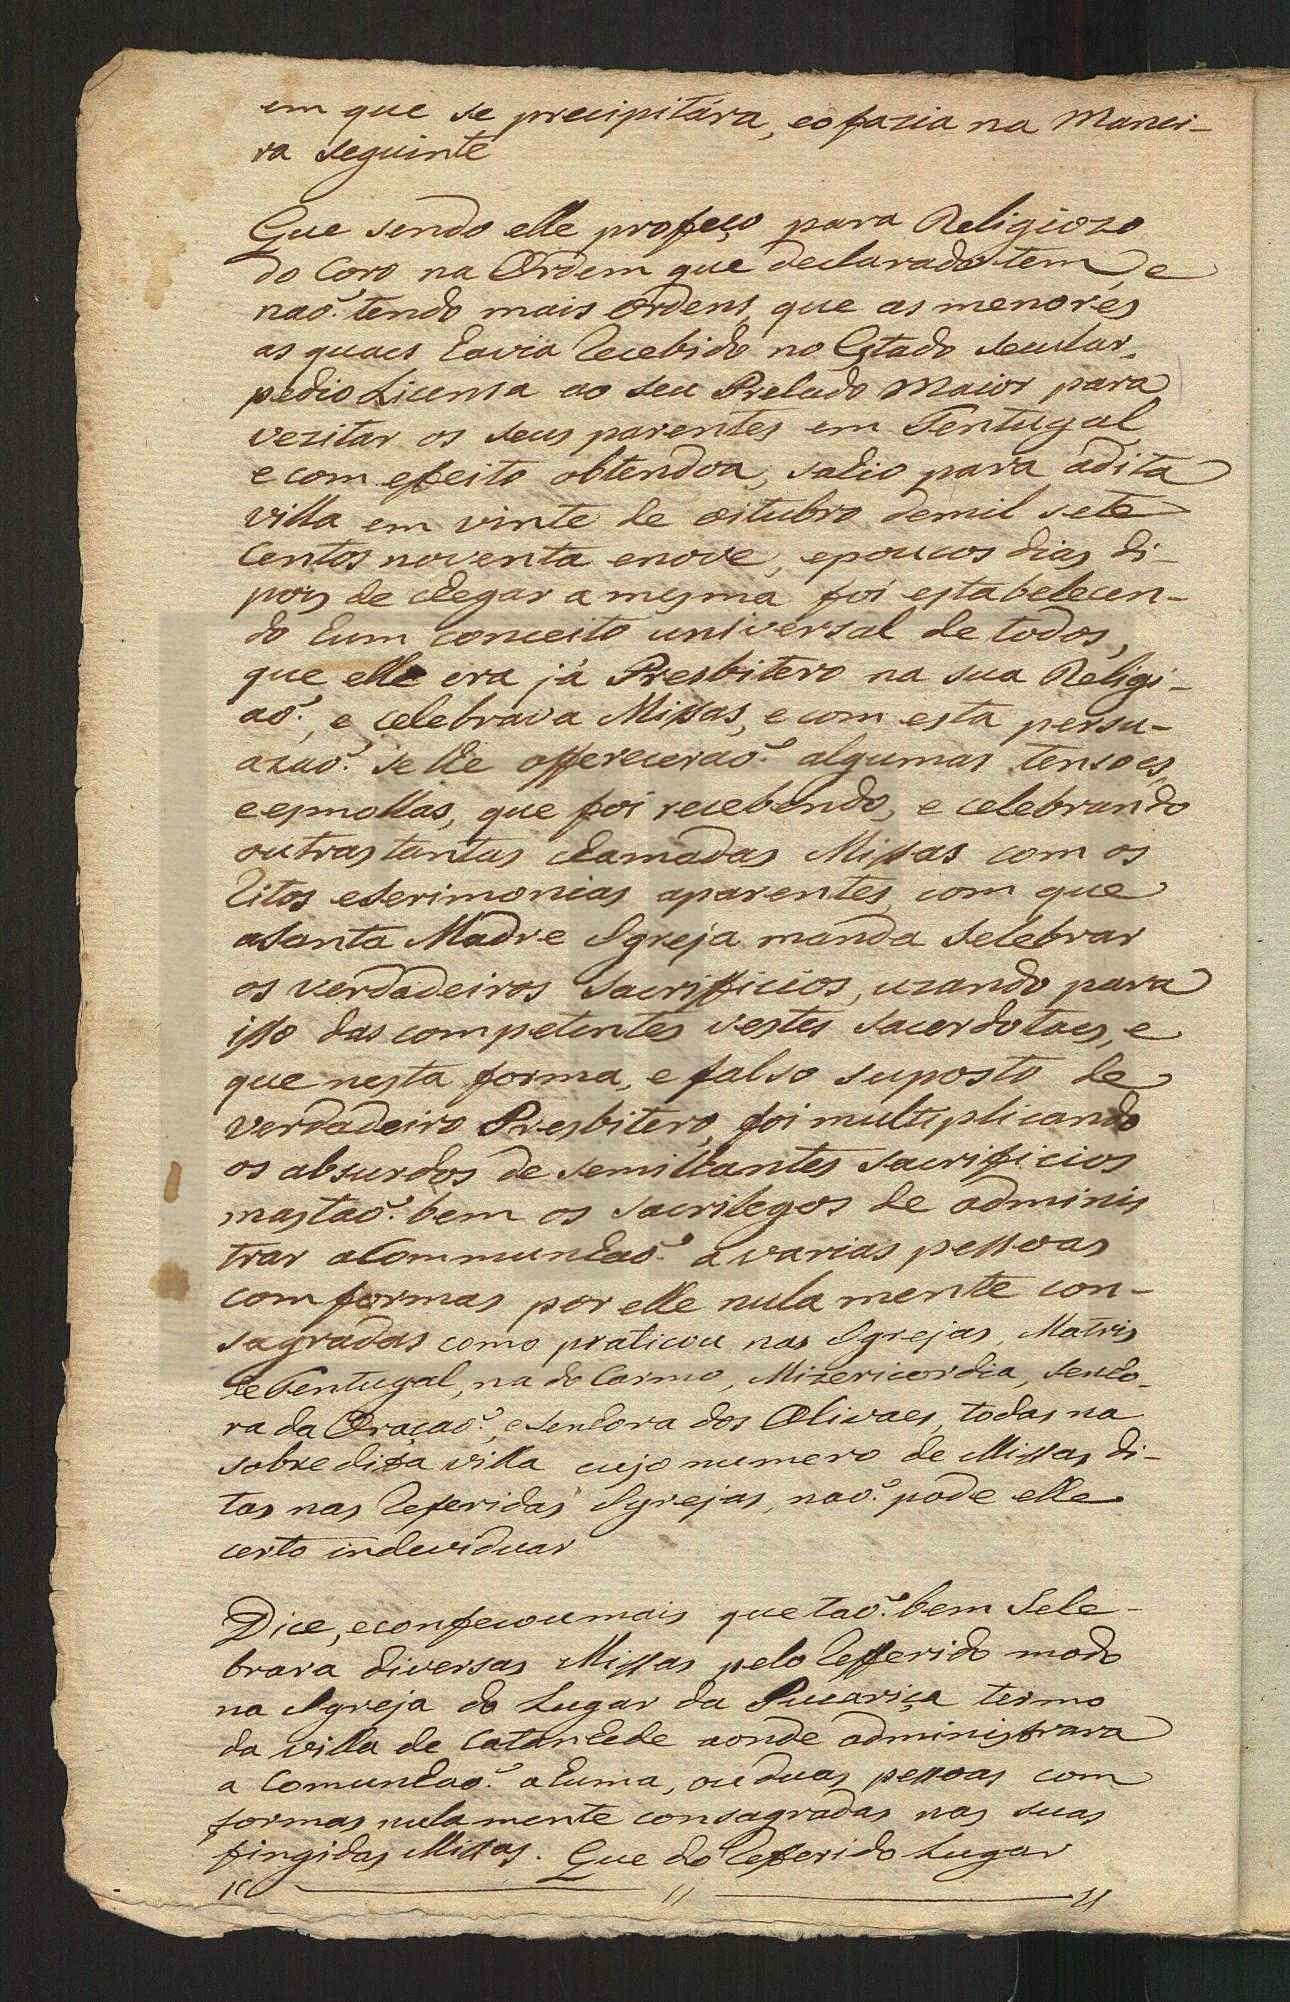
em que se precipitára e o fazia na manei
ra seguinte
Que sendo elle profeço para Religiozo
do coro na Ordem que declarado tem e
naõ tendo mais ordens que as menores
as quaes havia Recebido no Estado secular
pedio Licensa ao seu Prelado maior para
vezitar os seus parentes em Tentugal,
e com effeito obtendoa sahio para a dita
villa em vinte de oitubro de mil sete
centos noventa e nove, e poucos dias di
pois de chegar a mesma foi estabelecen
do hum conceito universal de todos
que elle era ja Presbitero na sua Religi
aõ e celebrava Missas, e com esta persu
azaõ se lhe offereceraõ algumas tensoes
e esmollas, que foi recebendo, e celebrando
outras tantas chamadas Missas com os
Ritos e serimonias aparentes, com que
a santa Madre Igreja manda selebrar
os verdadeiros sacrifficios, uzando para
isso das competentes vestes sacerdotaes, e
que nesta forma, e falso suposto de
verdadeiro Presbitero foi multiplicando
os absurdos de semilhantes sacrificios
mas taõbem os sacrilegos de adminis
trar a Communhaõ a varias pessoas
com formas por elle nulamente con
sagradas como praticou nas Igrejas Matris
de Tentugal, na do Carmo, Misericordia, Senho
ra da Oraçaõ e Senhora dos Olivaes, todas na
sobreditta villa cujo numero de Missas di
tas nas Referidas Igrejas, naõ pode elle
certo indeviduar
Dice, e confeçou mais que taõbem Sele
brara diversas Missas pelo Refferido modo
na Igreja do Lugar da Pucariça termo
da Villa de catanhede aonde administrara
a Comunhaõ a huma, ou duas pessoas com
formas nulamente consagradas nas suas
fingidas Missas. Que do Referido Lugar
